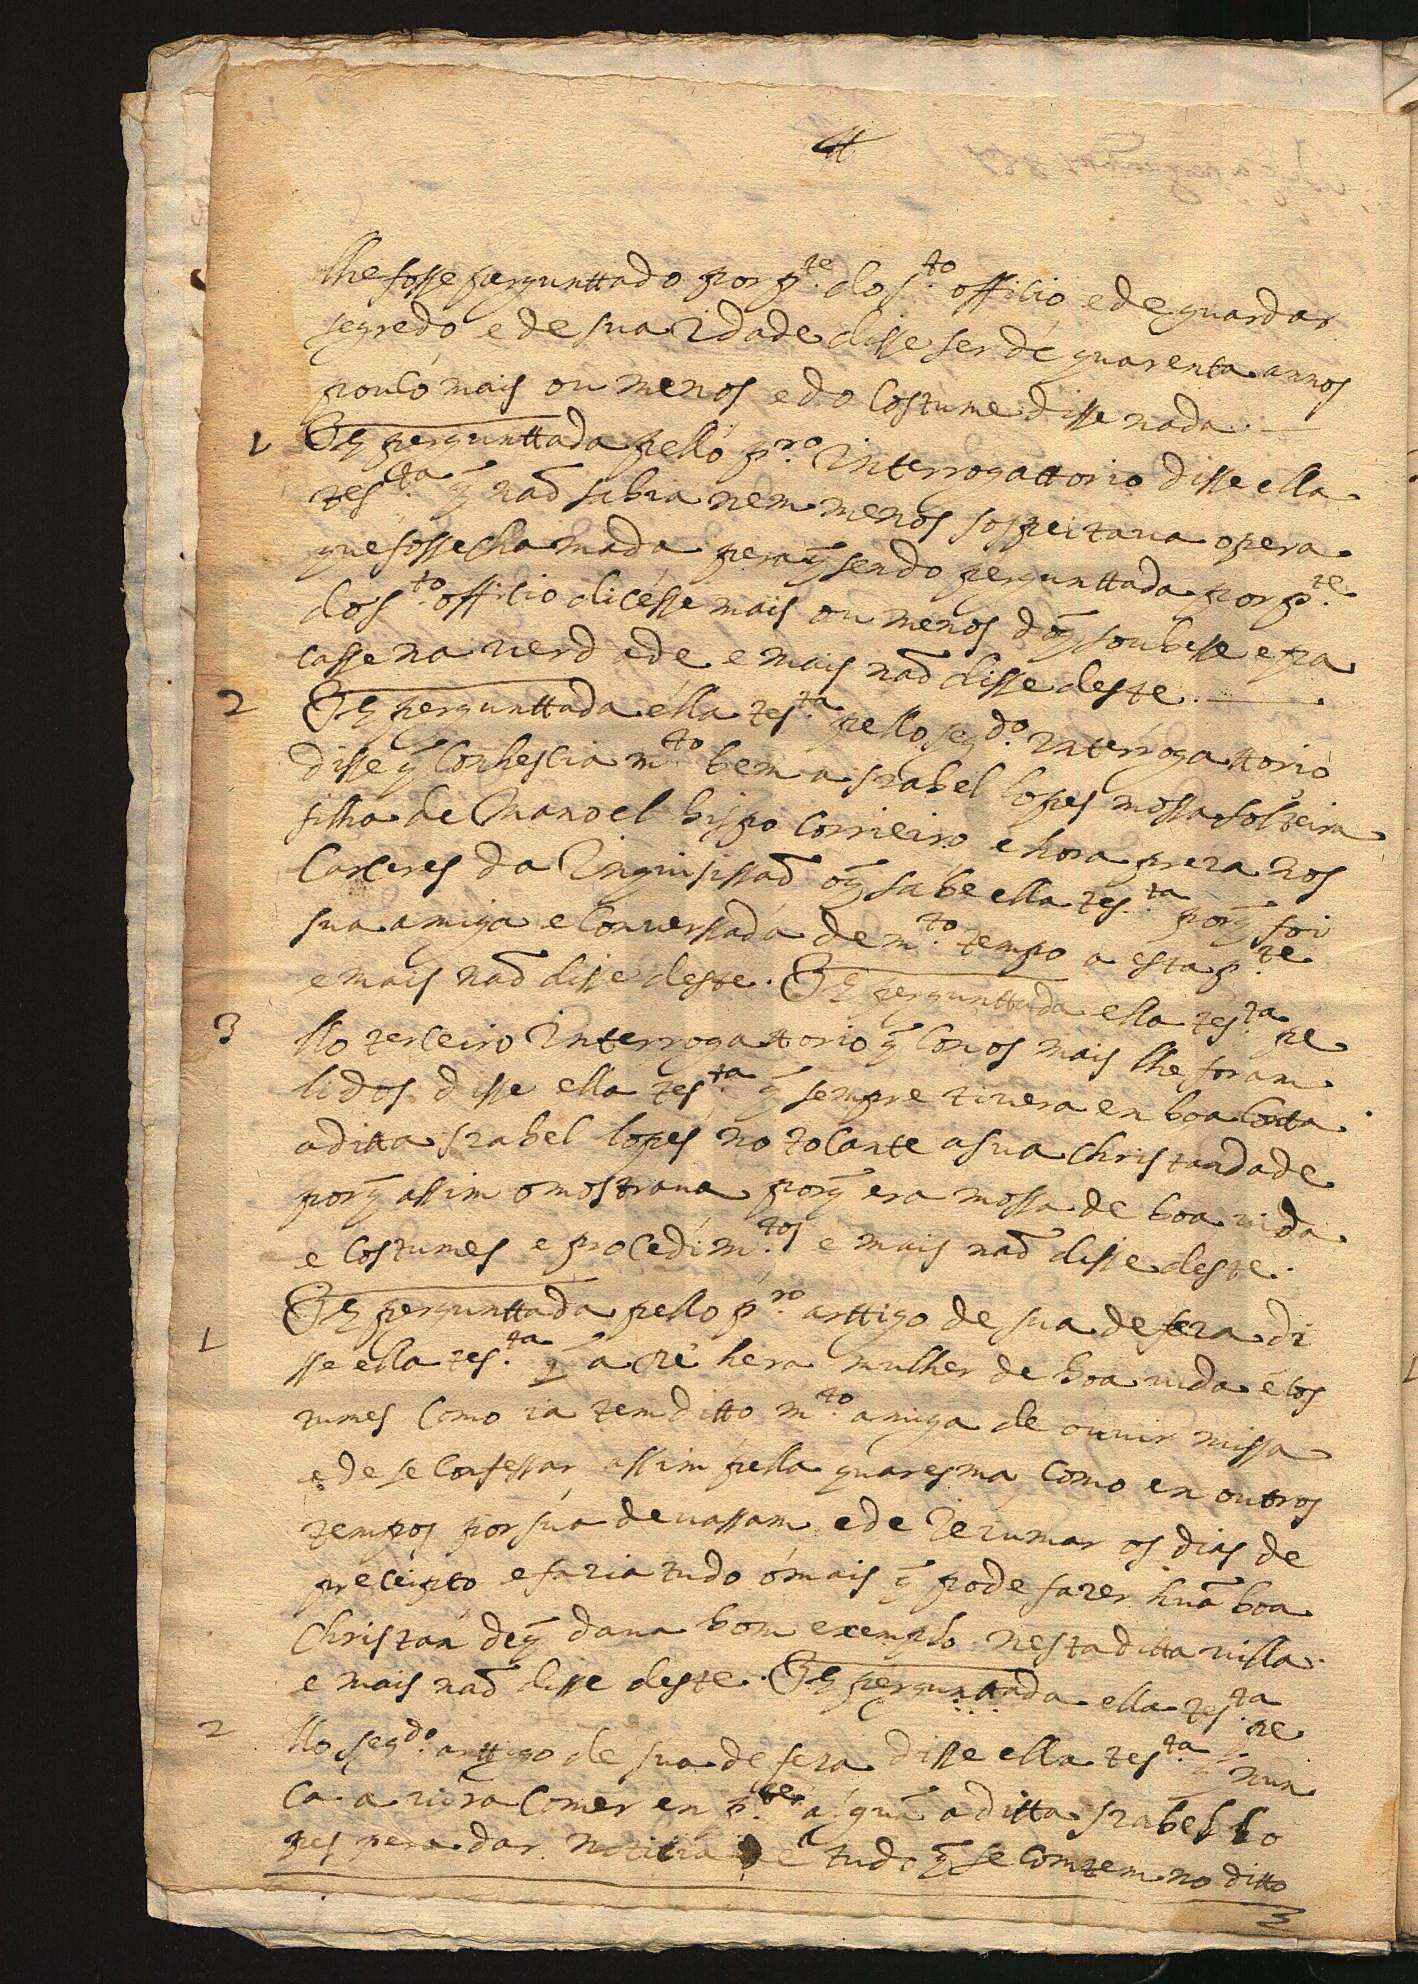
lhe fosse pergunttado por pte. do sto. officio, e de guardar
segredo, e de sua idade disse ser de quarenta annos
pouco mais ou menos, e do costume disse nada.
item E pergunttada pello pro. interrogattorio disse ella
testa. q̄ naõ sabia nem menos sospeitaua o pera
que fosse chamada, pera q̄ sendo pergunttada por pte.
do sto. officio dicesse mais ou menos do q̄ soubesse e pa
casse na uerdade, e mais não disse deste.
item E pergunttada ella testa. pello segdo. interrogarrorio
disse q̄ conhescia mto. bem a Jzabel lopes mossa solteira
filha de Manoel bispo corrieiro, e hora preza nos
Carceres da Inquisissão, o q̄ sabe ella tes.ta porq̄ foi
sua amiga e conuerssada de mto. tempo a esta p.te
e mais não disse deste. item E pergunttada ella testa. pe
llo terceiro Interrogattorio q̄ con os mais lhe foram
lidos disse ella testa; q̄ sempre tiuera en boa Conta
a ditta Jzabel lopes no tocante a sua christandade
porq̄ assim o mostraua, porq̄ era mossa de boa uida
e costumes e procedim.tos, e mais não disse deste.
item E pergunttada pello p.ro arttigo de sua defeza di
sse ella tes.ta q̄ a Ré hera mulher de boa uida e cos
tumes Como ia tem ditto, mto. amiga de ouuir missa
e de se confessar, assim pella quaresma, como en outros
tempos por sua deuassam, e de Ieiumar os dias de
preceipto, e fazia tudo o mais q̄ pode fazer huā boa
Christan de q̄ daua bom exemplo nesta ditta uilla.
e mais não disse deste. item E pergunttada ella testa. pe
llo segdo. arttigo de sua defeza, disse ella testa. _ nun
ca a uira Comer en p.te alguā a ditta Jzabel lo
pes pera dar noticia _e tudo q̄ se comtem no ditto
